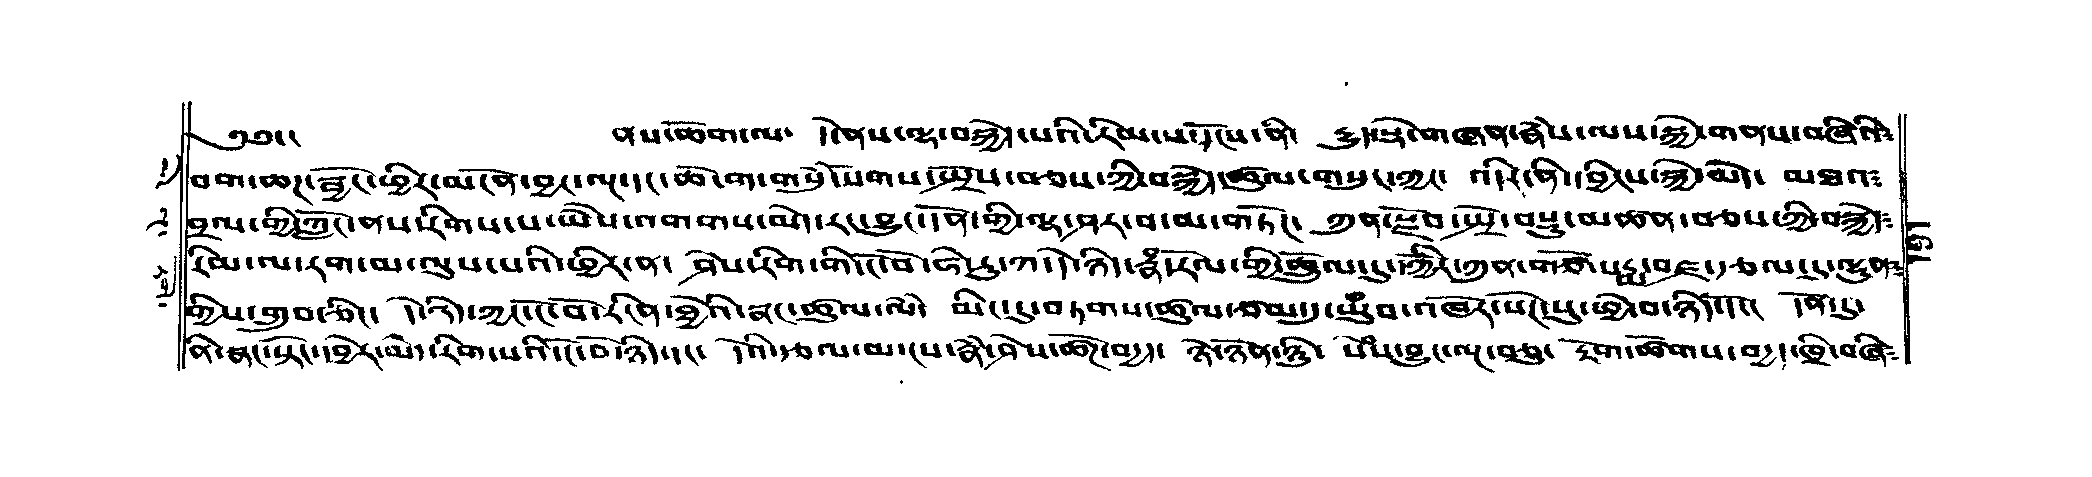ནས་ཆོག་ལ། དེ་ནས་ལྷ་བསྐྱེད་པའི་རིམ་པ་དངོས་ནི། རྒྱུད་སྡེ་གཞན་རྣམས་ལས་སྐྱེ་གནས་བཞིའི་
བག་ཆགས་སྦྱོང་ཕྱིར་མངོན་བྱང་ལྔ་དང་ཆོ་ག་གསུམ་སོགས་སྤྲོས་བཅས་ཀྱི་བསྐྱེད་ཚུལ་གསུང་ཡང་། འདིར་ནི་དབྱིངས་སྐྱེ་མེད། མཐའ་
བྲལ་གྱི་ཀློང་ནས་རིགས་པ་ཡེ་ཤེས་འགགས་མེད་རང་བྱུང་དོན་གྱི་ལྷ་ཤར་བ་མ་གཏོགས། ཀུན་རྫོབ་སྤྲོ་བསྡུ་མཚན་བཅས་ཀྱི་བསྐྱེད་
རིམ་ལ་རག་མ་ལུས་པའི་ཕྱིར་ན། ཤེས་རིག་གི་ངོ་བོ་ཧེ་རུ་ཀ་དེ་ཉིད་རྣམ་རོལ་གྱི་ཆོ་འཕྲུལ་དུ་དཀྱིལ་འཁོར་ཀུན་གཙོ་པདྨ་བཛྲ་རྩལ་དུ་ལྷུན་
གྱིས་གྲུབ་ཅིང་། དེ་ཉིད་ཀྱང་ངོ་བོ་རང་བཞིན་ཐུགས་རྗེའི་སྣང་ཚུལ་ལམ། མིང་དུ་བཏགས་ཚུལ་ཙམ་དུ་ཡབ་ཡུམ་འཁོར་སོགས་སུ་ཕྱེ་བ་ཉིད་དོ། དོན་དུ་
ནི་སྣང་སྟོང་དབྱེར་མེད་རིག་པའི་ངོ་བོ་ཉིད་དང་། དེའི་རྩལ་མ་ངས་རྣམ་ཤེས་ཚོགས་བརྒྱད། ཉེ་ཉོན་ཉི་ཤུ། སེམས་བྱུང་ལྔ་བཅུ། རྟོག་ཚོགས་བརྒྱད་ཁྲི་བཞི་